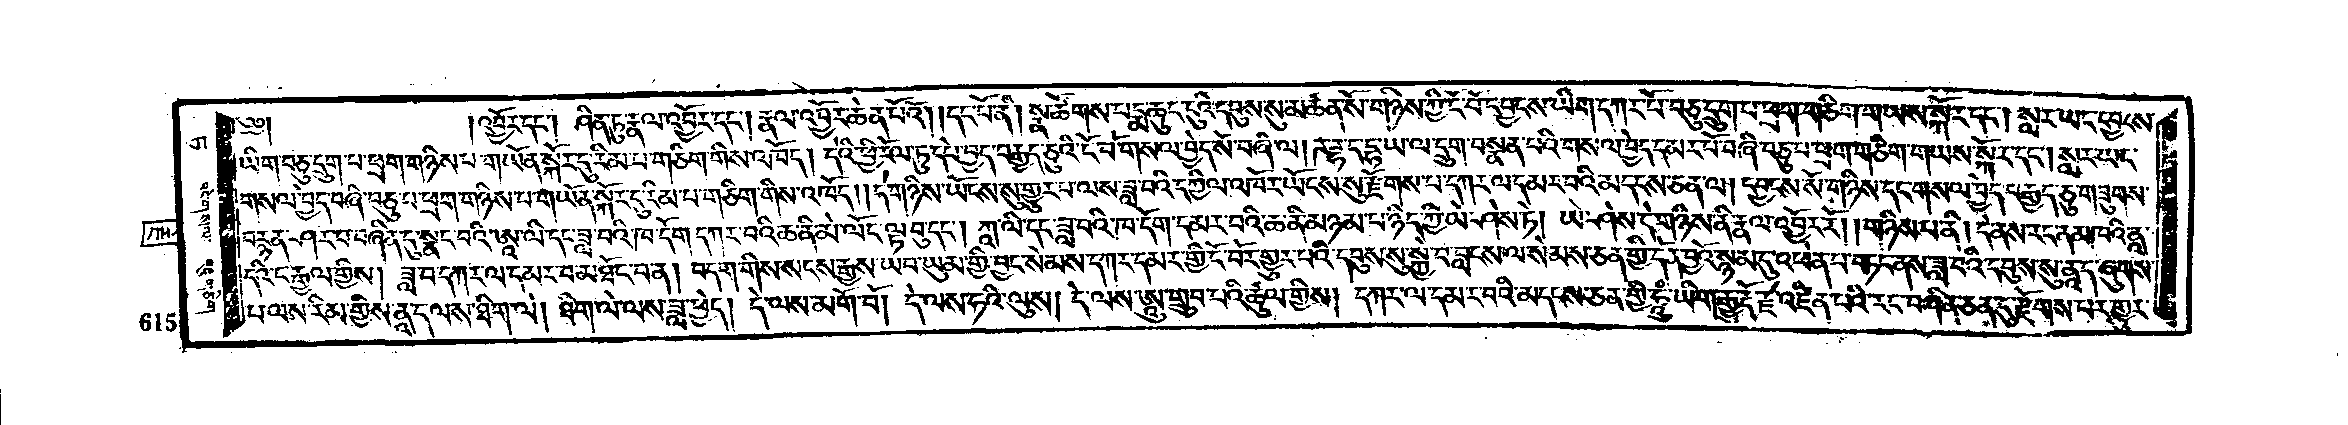༄༅། །འབྱོར་དང་། ཤིན་ཏུ་རྣལ་འབྱོར་དང་། རྣལ་འབྱོར་ཆེན་པོའོ། །དང་པོ་ནི། སྣ་ཚོགས་པདམ་ཆུང་ངུའི་དབུས་སུ་མཚན་སོ་གཉིས་ཀྱི་ངོ་བོ་དབྱངས་ཡིག་དཀར་པོ་བཅུ་དྲུག་པ་ཕྲག་གཅིག་གཡས་སྐོར་དང་། སླར་ཡང་དབྱངས་
ཡིག་བཅུ་དྲུག་པ་ཕྲག་གཉིས་པ་གཡོན་སྐོར་དུ་རིམ་པ་གཅིག་གིས་འཁོད། དེའི་ཕྱི་རོལ་ཏུ་དཔེ་བྱད་བརྒྱད་ཅུའི་ངོ་བོ་གསལ་བྱེད་སོ་བཞི་ལ། ཌ་ཌྷ་ད་དྷ་ཡ་ལ་དྲུག་བསྣན་པའི་གསལ་བྱེད་དམར་པོ་བཞི་བཅུ་པ་ཕྲག་གཅིག་གཡས་སྐོར་དང་། སླར་ཡང་
གསལ་བྱེད་བཞི་བཅུ་པ་ཕྲག་གཉིས་པ་གཡོན་སྐོར་དུ་རིམ་པ་གཅིག་གིས་འཁོད། །དེ་གཉིས་ཡོངས་སུ་གྱུར་པ་ལས་ཟླ་བའི་དཀྱིལ་འཁོར་ཡོངས་སུ་རྫོགས་པ་དཀར་ལ་དམར་བའི་མདངས་ཅན་ལ། དབྱངས་སོ་གཉིས་དང་གསལ་བྱེད་བརྒྱད་ཅུ་གཟུགས་
བརྙན་ཤར་བ་བཞིན་དུ་སྣང་བའི་ཨཱ་ལི་དང་ཟླ་བའི་ཁ་དོག་དཀར་བའི་ཆ་ནི་མེ་ལོང་ལྟ་བུ་དང་། ཀཱ་ལི་དང་ཟླ་བའི་ཁ་དོག་དམར་བའི་ཆ་ནི་མཉམ་པ་ཉིད་ཀྱི་ཡེ་ཤེས་ཏེ། ཡེ་ཤེས་དེ་གཉིས་ནི་རྣལ་འབྱོར་རོ། །གཉིས་པ་ནི། དེ་ནས་རང་ནམ་མཁའི་ནཱ་
དའི་ང་རྒྱལ་གྱིས། ཟླ་བ་དཀར་ལ་དམར་བ་མཐོང་བ་ན། བདག་གིས་སངས་རྒྱས་ཡབ་ཡུམ་གྱི་བྱང་སེམས་དཀར་དམར་གྱི་ངོ་བོར་གྱུར་པའི་དབུས་སུ་སྐྱེ་བ་བླངས་ལ་སེམས་ཅན་གྱི་དོན་བྱའོ་སྙམ་དུ་འཕེན་པ་བཏང་ནས་ཟླ་བའི་དབུས་སུ་ནཱ་ད་ཞུགས་
པ་ལས་རིམ་གྱིས་ནཱ་ད་ལས་ཐིག་ལེ། ཐིག་ལེ་ལས་ཟླ་ཕྱེད། དེ་ལས་མགོ་བོ། དེ་ལས་ཧའི་ལུས། དེ་ལས་ཨཱུ་གྲུབ་པའི་ཚུལ་གྱིས། དཀར་ལ་དམར་བའི་མདངས་ཅན་གྱི་ཧཱུཾ་ཡིག་རྒྱུ་རྡོ་རྗེ་འཛིན་པའི་རང་བཞིན་ཅན་དུ་རྫོགས་པར་གྱུར་